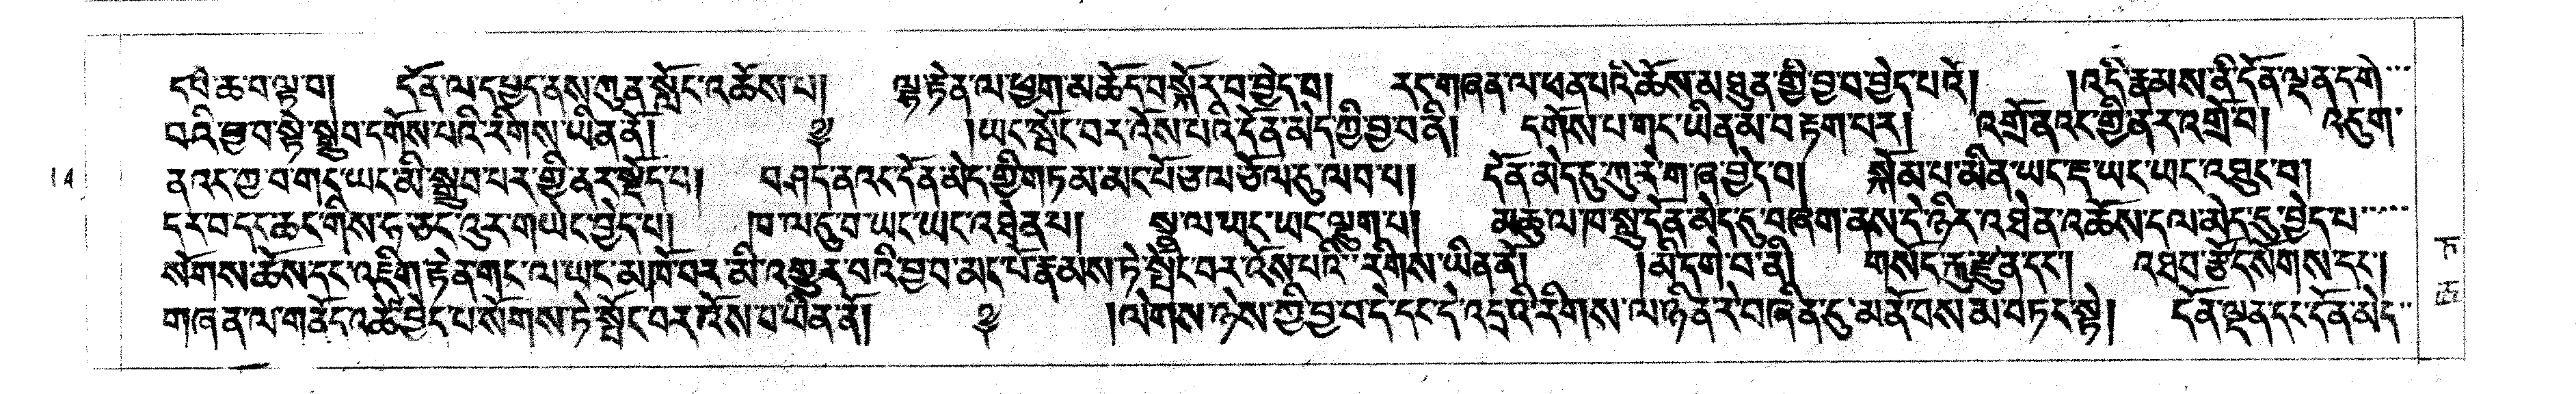དཔེ་ཆ་བལྟ་བ། དོན་ལ་དཔྱད་ནས་ཀུན་སློང་འཆོས་པ། ལྷ་རྟེན་ལ་ཕྱག་མཆོད་བསྐོར་བ་བྱེད་པ། རང་གཞན་ལ་ཕན་པའི་ཆོས་མཐུན་གྱི་བྱ་བ་བྱེད་པའི། །འདི་རྣམས་ནི་དོན་ལྡན་དགེ་
བའི་བྱ་བ་སྟེ་སྒྲུབ་དགོས་པའི་རིགས་ཡིན་ནོ། ༈ །ཡང་སྤོང་བར་འོས་པའི་དོན་མེད་ཀྱི་བྱ་བ་ནི། དགོས་པ་གང་ཡིན་མ་བརྟག་པར། འགྲོ་ནའང་གྱི་ནར་འགྲོ་བ། འདུག་
ནའང་ཀྱ་བ་གང་ཡང་མི་སྒྲུབ་པར་གྱི་ནར་སྡོད་པ། བཤད་ནའང་དོན་མེད་གྱི་གཏམ་མང་པོ་ཅལ་ཅོལ་དུ་ལབ་པ། དོན་མེད་དུ་ཀུ་རེ་ག་ཞ་བྱེད་བ། སྐོམ་པ་མིན་ཡང་ཇ་ཡང་ཡང་འཐུང་བ།
དར་བ་དང་ཆང་གིས་ཧ་ཅང་འུར་གཡེང་བྱེད་པ། ཁ་ལ་དུ་བ་ཡང་ཡང་འཐེན་པ། སྣ་ལ་ཡང་ཡང་ལྡུག་པ། མཆུ་ལ་ཁ་སླུ་དོན་མེད་དུ་བཞག་ནས་དེ་ཉིད་འཐེན་འཆོས་དལ་མེད་དུ་བྱེད་པ་
སོགས་ཆོས་དང་འཇིག་རྟེན་གང་ལ་ཡང་མཁོ་བར་མི་འགྱུར་བའི་བྱ་བ་མང་པོ་རྣམས་ཏེ་སྤོང་བར་འོས་པའི་རིགས་ཡིན་ནོ། །མི་དགེ་བ་ནི། གསོང་རྐུ་རྫུན་དང་། འཐབ་རྩོད་སོགས་དང་།
གཞན་ལ་གནོད་འཚེ་བྱེད་པ་སོགས་ཏེ་སྤོང་བར་འོས་བ་ཡིན་ནོ། ༈ །ལེགས་ཉེས་ཀྱི་བྱ་བ་དེ་དང་དེ་འདྲའི་རིགས་ལ་ཉིན་རེ་བཞིན་དུ་མནོ་བསམ་བཏང་སྟེ། དོན་ལྡན་དང་དོན་མེད་